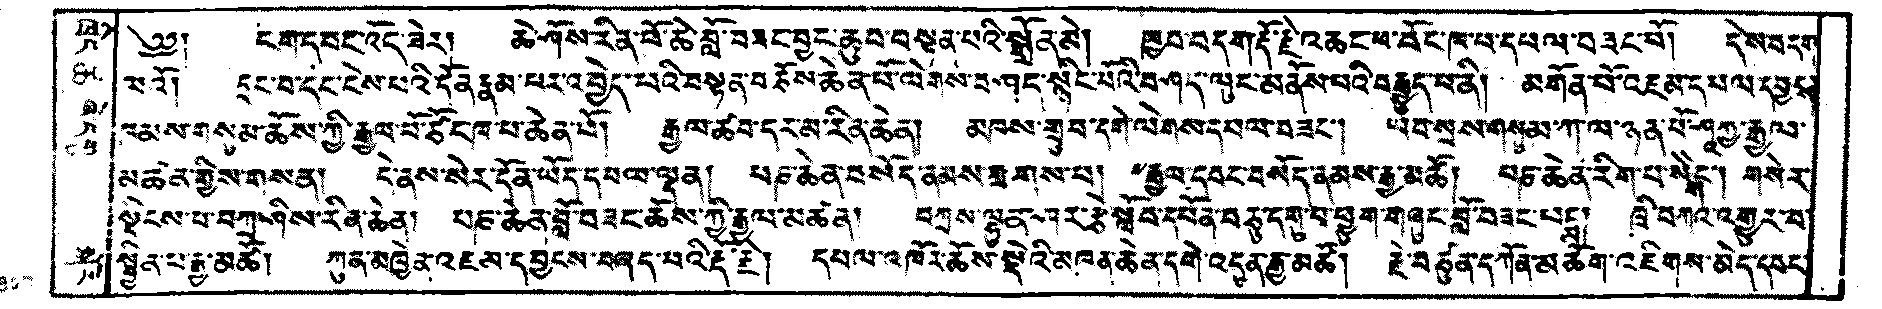༄༅། །ངག་དབང་འོད་ཟེར། ཆེ་ཤོས་རིན་པོ་ཆེ་བློ་བཟང་བྱང་ཆུབ་བསྟན་པའི་སྒྲོན་མེ། ཁྱབ་བདག་རྡོ་རྗེ་འཆང་ཕ་བོང་ཁ་པ་དཔལ་བཟང་པོ། དེས་བདག་
ལའོ། དྲང་བ་དང་ངེས་པའི་དོན་རྣམ་པར་འབྱེད་པའི་བསྟན་བཅོས་ཆེན་པོ་ལེགས་བཤད་སྙིང་པོའི་བཤད་ལུང་མནོས་པའི་བརྒྱུད་པ་ནི། མགོན་པོ་འཇམ་དཔལ་དབྱང་
ཁམས་གསུམ་ཆོས་ཀྱི་རྒྱལ་པོ་ཙོང་ཁ་པ་ཆེན་པོ། རྒྱལ་ཚབ་དར་མ་རིན་ཆེན། མཁས་གྲུབ་དགེ་ལེགས་དཔལ་བཟང་། ཡབ་སྲས་གསུམ་ཀ་ལ་ཉན་པོ་ཤཱཀྱ་རྒྱལ་
མཚན་གྱིས་གསན། དེ་ནས་སེར་དོན་ཡོད་དཔལ་ལྡན། པཎ་ཆེན་བསོད་ནམས་གྲགས་པ། ༧རྒྱལ་དབང་བསོད་ནམས་རྒྱ་མཚོ། པཎ་ཆེན་རིག་པ་སེངྒེ། གསེར་
སྡིངས་པ་བཀྲ་ཤིས་རིན་ཆེན། པཎ་ཆེན་བློ་བཟང་ཆོས་ཀྱི་རྒྱལ་མཚན། བཀྲས་ལྷུན་ཤར་རྩེ་སློབ་དཔོན་བཅུ་དགུ་པ་ཕྱུག་གཞུང་བློ་བཟང་པདམ། ཁྲི་བཀའ་འགྱུར་བ་
སྦྱིན་པ་རྒྱ་མཚོ། ཀུན་མཁྱེན་འཇམ་དབྱངས་བཞད་པའི་རྡོ་རྗེ། དཔལ་འཁོར་ཆོས་སྡེའི་མཁན་ཆེན་དགེ་འདུན་རྒྱ་མཚོ། རྗེ་བཙུན་དཀོན་མཆོག་འཇིགས་མེད་དབང་